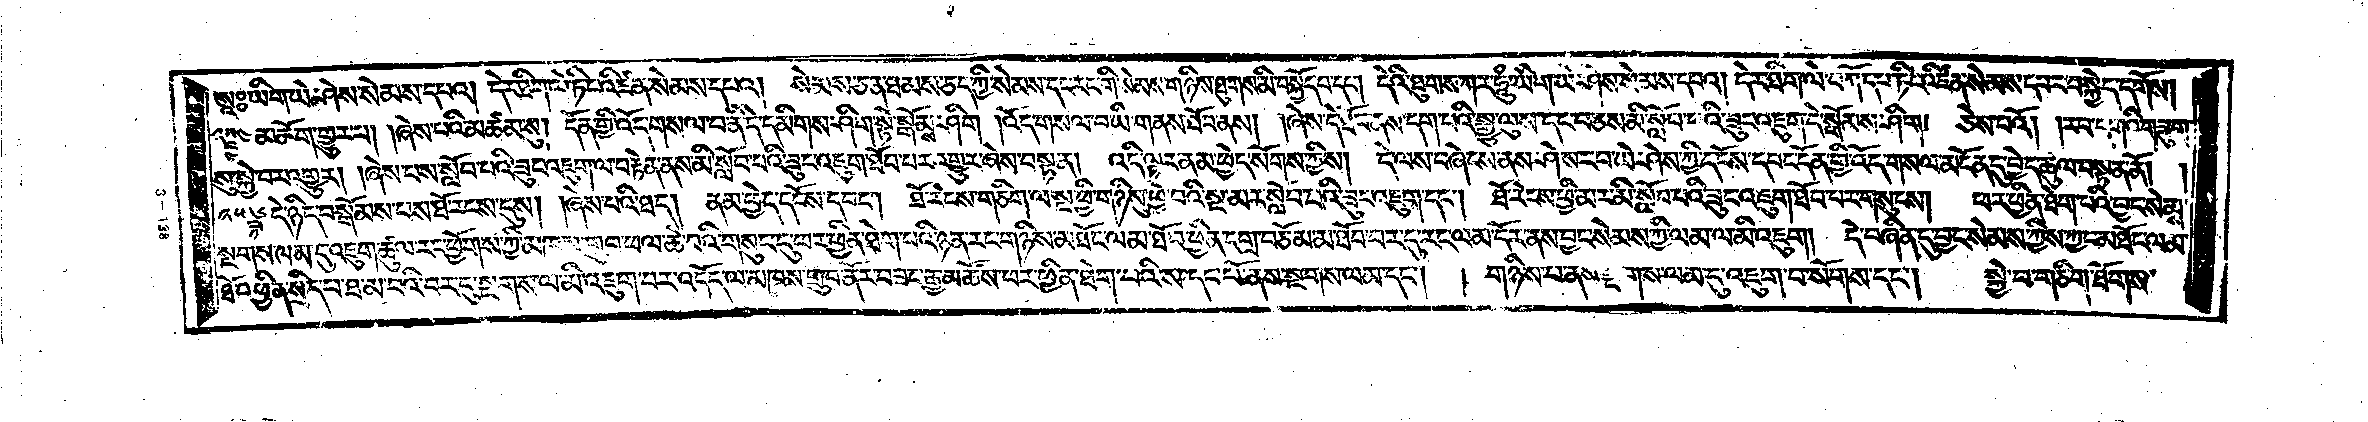ཨཱཿ ཡིག་ཡེ་ཤེས་སེམས་དཔའ། དེར་ཐིག་ལེ་ཏིང་འཛིན་སེམས་དཔའ། སེམས་ཅན་ཐམས་ཅད་ཀྱི་སེམས་དང་རང་གི་སེམས་གཉིས་ཐུགས་ནི་བསྐྱོད་པ་དང་། དེའི་ཐུགས་ཀར་ཧཱུཾ་ཡིག་ཡེ་ཤེས་སེམས་དཔའ། དེར་ཐིག་ལེ་བཀོད་པ་ཏིང་འཛིན་སེམས་དབང་བསྐྱེད་དགོས།
༢༢༤ང༤་མཆོག་གྱུར་པ། །ཞེས་པའི་མཚམ་སུ། དོན་གྱི་འོད་གསལ་བ་ནི་དེ་དམིགས་ཤིག་སྟེ་སྒོམས་ཤིག །འོད་གསལ་བ་ཡི་གནས་ཐོབ་ནས། །ཞེས་དེ་ཐོབ་ནས་དག་པའི་སྒྱུ་ལུས་དང་བཅས་མི་སློབ་པའི་ཟུང་འཇུག་དེ་སྒོམས་ཤིག། ཅེས་པའོ། །རབ་དགའི་གཟུག་
སུ་སྐྱེ་བར་འགྱུར། །ཞེས་པས་སློབ་པའི་ཟུང་འཇུག་ལ་བརྟེན་ནས་མི་སློབ་པའི་ཟུང་འཇུག་ཐོབ་པར་འགྱུར་ཞེས་བསྟན། འདི་ལྟར་ནམ་ཕྱེད་སོགས་ཀྱིས། དེ་ལས་བཞེངས་ནས་ཤེས་རབ་ཡེ་ཤེས་ཀྱི་དངོས་དབང་དོན་གྱི་འོད་གསལ་མངོན་དུ་བྱེད་ཚུལ་བསྟན་ནོ། །
༢༥༧བ༡་དེ་ཉིད་བསྒོམས་པས་ཐོ་རངས་དུས། །ཞེས་པའི་ཐད། ནམ་ཕྱེད་དངོས་དབང་། ཐོ་རེངས་གཅིག་ལ་སྔ་ཕྱི་གཉིས་སུ་ཕྱེ་བའི་སྔ་མར་སློབ་པའི་ཟུང་འཇུག་དང་། ཐོ་རེངས་ཕྱི་མར་མི་སློབ་པའི་ཟུང་འཇུག་ཐོབ་པར་གསུངས། ཕར་ཕྱིན་ཐེག་པའི་བྱང་སེམས་
སྔགས་མ་དུ་འཇུག་ཚུལ་རང་ཕྱོགས་ཀྱི་མཁས་གྲུབ་ཕལ་ཆེ་བའི་གསུང་དུ་ཕར་ཕྱིན་ཐེག་པའི་ཉན་རང་གཉིས་མཐོང་ལམ་ཐོབ་ཕྱིན་དགྲ་བཅོམ་མ་ཐོབ་པར་དུ་རང་ལམ་དོར་ནས་བྱང་སེམས་ཀྱི་ལམ་ཨ་མི་འཇུག། དེ་བཞིན་དུ་བྱང་སེམས་ཀྱིས་ཀྱང་མཐོང་ལམ་
ཐོབ་ཕྱིན་སྲིད་པ་ཐ་མ་པའི་བར་དུ་སྔགས་ལ་མི་འཇུག་པར་འདོད་ལ་མཁས་གྲུབ་ནོར་བཟང་རྒྱ་མཚོས་ཕར་ཕྱིན་ཐེག་པའི་ས་དང་པོ་ནས་སྔགས་ལམ་དང་། །གཉིས་པ་ནས་སྔགས་ལམ་དུ་འཇུག་པ་སོགས་དང་། སྐྱེ་བ་གཅིག་ཐོགས་